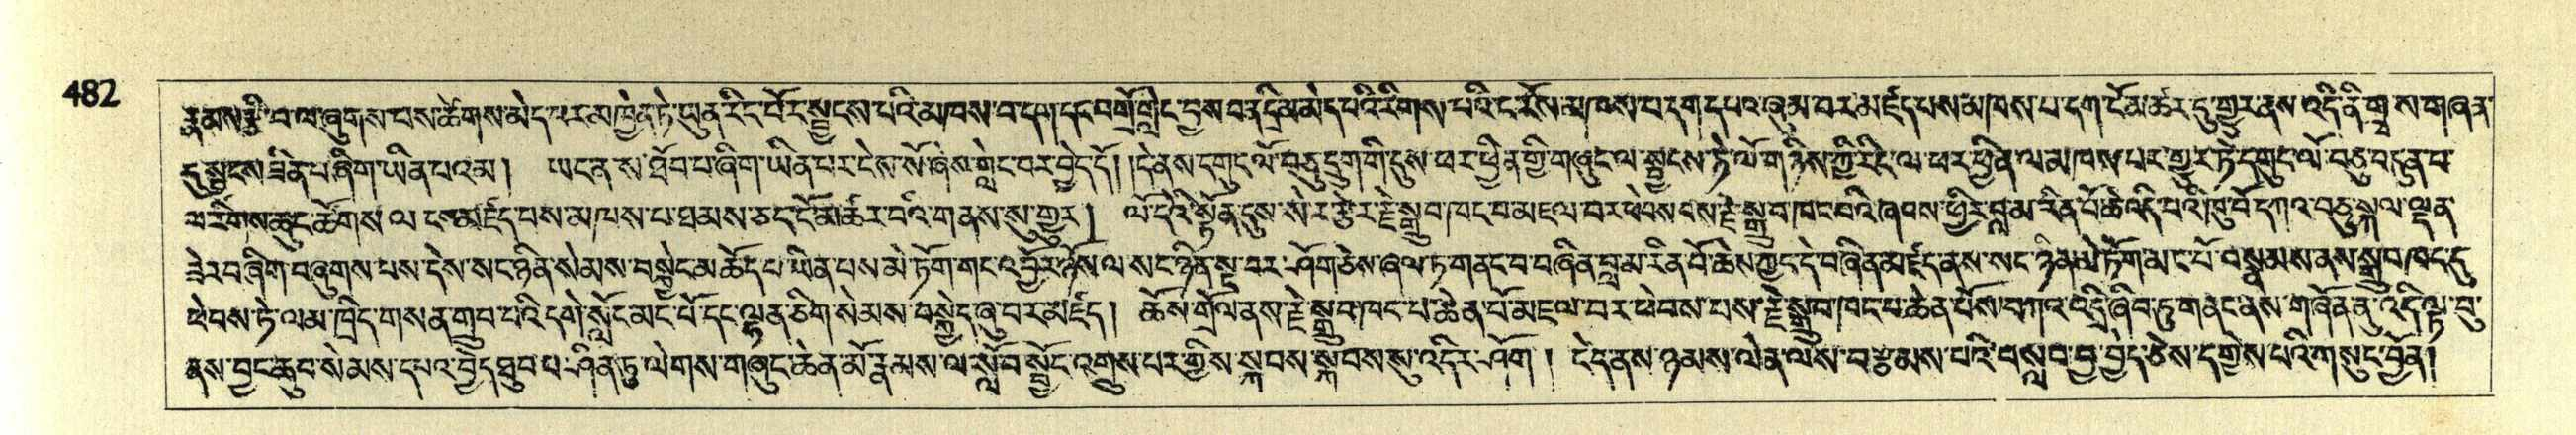རྣམས་རྩི་བ་ལ་ཞུགས་པས་ཚེགས་མེད་པར་མཁྱེན་ཏེ་ཡུན་རིང་བོར་སྦྱངས་པའི་མཁས་བ་དག་དང་བགྲོ་གླེང་བྱས་བ་ན་དྲི་མ་མེད་པའི་རིགས་པའི་ང་རོས་མཁས་པ་དག་དཔའ་ཞུམ་བར་མཛད་པས་མཁས་པ་དག་ངོ་མཚར་དུ་གྱུར་ནས་འདི་ནི་གྲྭ་ས་གཞན་
དུ་སྦྱངས་ཟིན་པ་ཞིག་ཡིན་པའམ། ཡང་ན་ས་ཐོབ་པ་ཞིག་ཡིན་པར་ངེས་སོ་ཞེས་གླེང་བར་བྱེད་དོ། །དེ་ནས་དགུང་ལོ་བཅུ་དྲུག་གི་དུས་ཕར་ཕྱིན་གྱི་གཞུང་ལ་སྦྱངས་ཏེ་ལོ་གཉིས་ཀྱི་རིང་ལ་ཕར་ཕྱིན་ལ་མཁས་པར་གྱུར་ཏེ་དགུང་ལོ་བཅུ་བདུན་པ་
ལ་རིགས་ཆུང་ཚོགས་ལངས་མཛད་པས་མཁས་པ་ཐམས་ཅད་ངོ་མཚར་བའི་གནས་སུ་གྱུར། ལོ་དེའི་སྟོན་དུས་སེར་རྩེར་རྗེ་སྒྲུབ་ཁང་བ་མཇལ་བར་ཕེབས་བས་རྗེ་སྒྲུབ་ཁང་བའི་ཞབས་ཕྱིར་བླ་མ་རིན་པོ་ཆེ་འདི་པའི་ཁུ་བོ་དཀའ་བཅུ་སྐལ་ལྡན་
ཟེར་བ་ཞིག་བཞུགས་པས་དེས་སང་ཉིན་སེམས་བསྐྱེད་མཆོད་པ་ཡིན་པས་མེ་ཏོག་གང་འབྱོར་ཉོས་ལ་སང་ཉིན་སྔ་བར་ཤོག་ཅེས་ཞལ་ཏ་གནང་བ་བཞིན་བླ་མ་རིན་པོ་ཆེས་ཀྱང་དེ་བཞིན་མཛད་ནས་སང་ཉིན་མེ་ཏོག་མང་པོ་བསྣམས་ནས་སྒྲུབ་ཁང་དུ་
ཕེབས་ཏེ་ལམ་ཁྲིད་གསན་གྲུབ་པའི་དགེ་སློང་མང་པོ་དང་ལྷན་ཅིག་སེམས་བསྐྱེད་ཞུ་བར་མཛད། ཆོས་གྲོལ་ནས་རྗེ་སྒྲུབ་ཁང་པ་ཆེན་པོ་མཇལ་བར་ཕེབས་པས་རྗེ་སྒྲུབ་ཁང་པ་ཆེན་པོས་བཀའ་འདྲི་ཞིབ་ཏུ་གནང་ནས་གཞོན་ནུ་འདི་ལྟ་བུ་
ནས་བྱང་ཆུབ་སེམས་དཔའ་བྱེད་ཐུབ་པ་ཤིན་ཏུ་ལེགས་གཞུང་ཆེན་མོ་རྣམས་ལ་སློབ་སྦྱོང་འགྲུས་པར་གྱིས་སྐབས་སྐབས་སུ་འདིར་ཤོག། ངེད་ནས་ཉམས་ལེན་ལས་བརྩམས་པའི་བསླབ་བྱ་བྱེད་ཅེས་དགྱེས་པའི་གསུང་བྱོན།